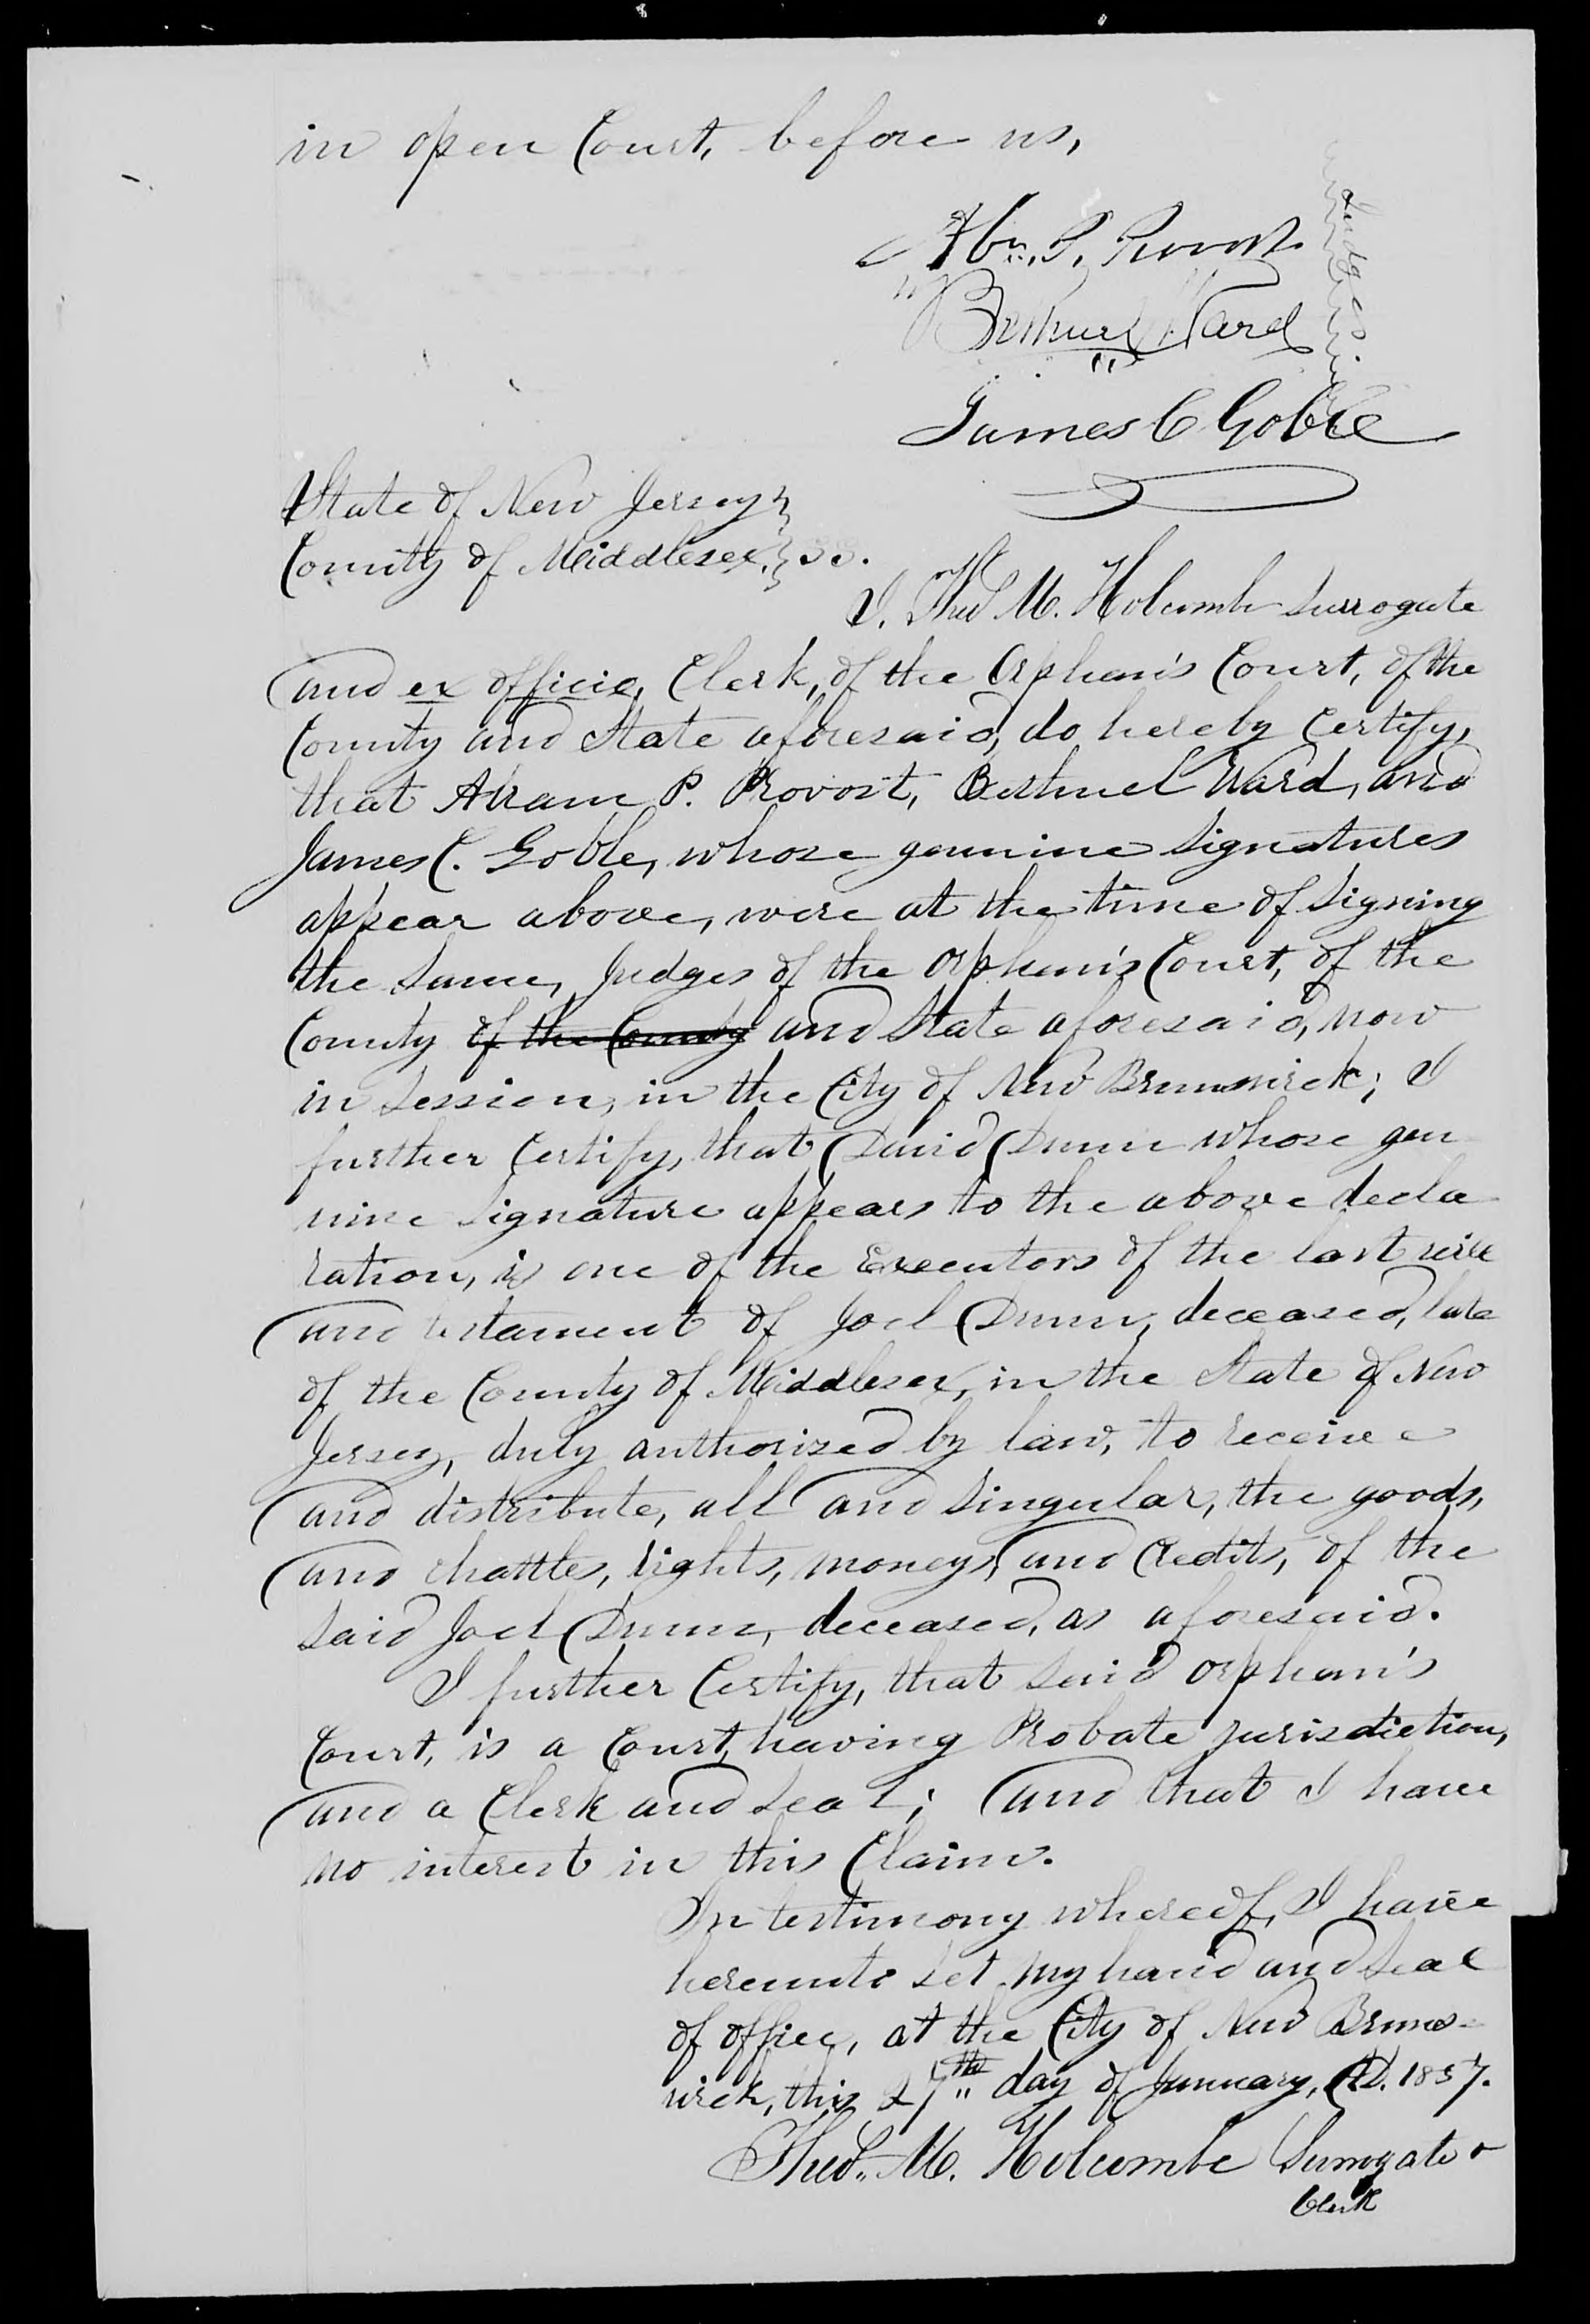in open Court, before us,
Abr. P. Provost
Bethuel Ward
James C Goble. } Judges
-

State of New Jersey
County of Middlesex ⎬SS.
I ,Thos. M. Holcombe Surrogate and ex officio, Clerk, of the Orphan's Court, of the County and State aforesaid, do hereby certify that Abram P. Provost, Bethuel Ward, and James C. Goble whose genuine signatures appear above, were at the time of signing the same, Judges of the Orphans Court, of the County ['of the County' crossed out] and State aforesaid, now in session, in the City of New Brunswick, I further certify, that David Dunn whose genuine  signature appears to the above declaration, is one of the Executors of the last will and testament of Joel Dunn, deceased, late of the County of Middlesex, in the State of New Jersey, duly authorized by law, to receive and distribute, all and singular, the goods, and chattles, rights, money, and credits, of the
said Joel Dunn, deceased, as aforesaid.

I further Certify, that said Orphan's Court is a Court having Probate Jurisdiction, and a Clerk and seal; and that I have no interest in this Claim.

In testimony whereof, I have hereunto set my hand and seal of office, at the City of New Brunswick, this 27th day of January, AD. 1857.
Thos. M. Holcombe Surrogate & Clerk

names: Theos M Holcombe, Joel Dunn, Thos M Holcombe, James C Goble, Abm P Provost, David Dunn, Joel Dunn, James C Goble, Abram P Provost, Bethnel Ward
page: 16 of 52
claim: widow's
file: W. 919, Joel Dunn, New Jersey